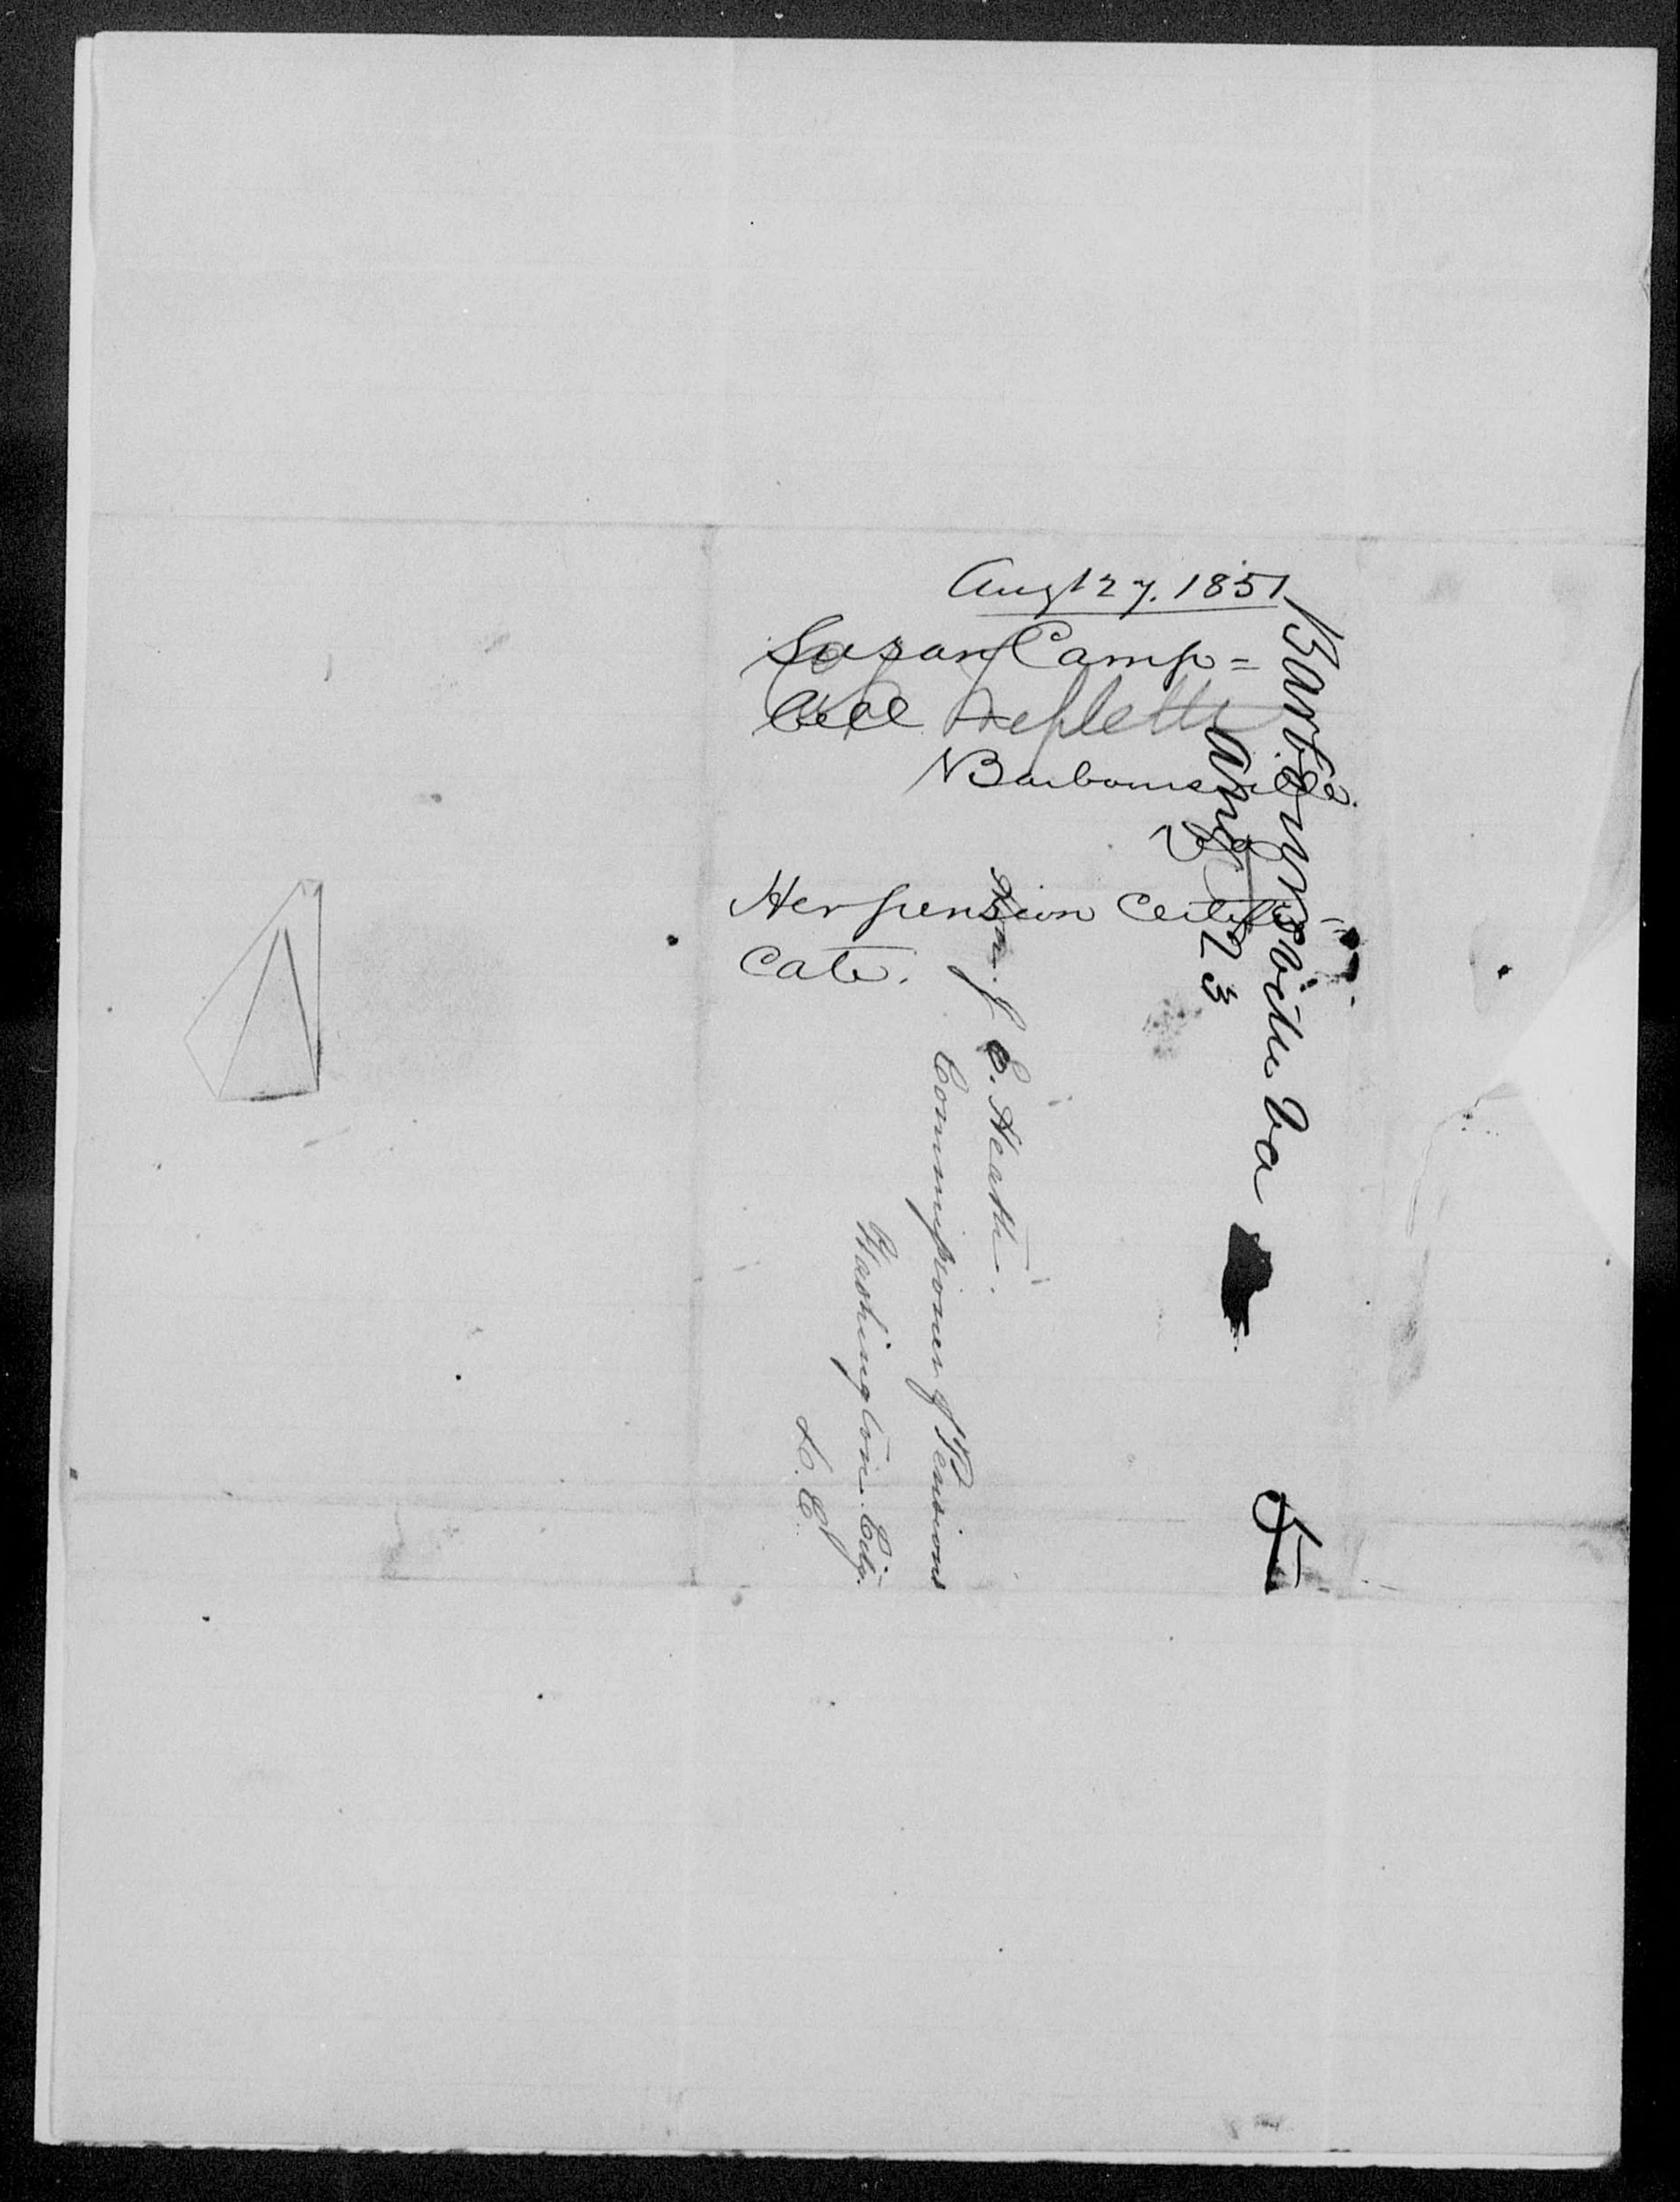[addressed letter]

[From} Barboursville Va
Augt   23

[Postage]  5

[To] Hon. J E. Heath
Commissioner of Pensions
Washington City
D. C.

[left end of letter written from bottom to top]
Augt 27. 1851
Susan Campbell
Cap Meplette
Barboursville. Va

Her pension certificate.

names: J E Heath, Susan Campbell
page: 119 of 267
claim: widow's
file: W. 4,149, William Campbell, Va.